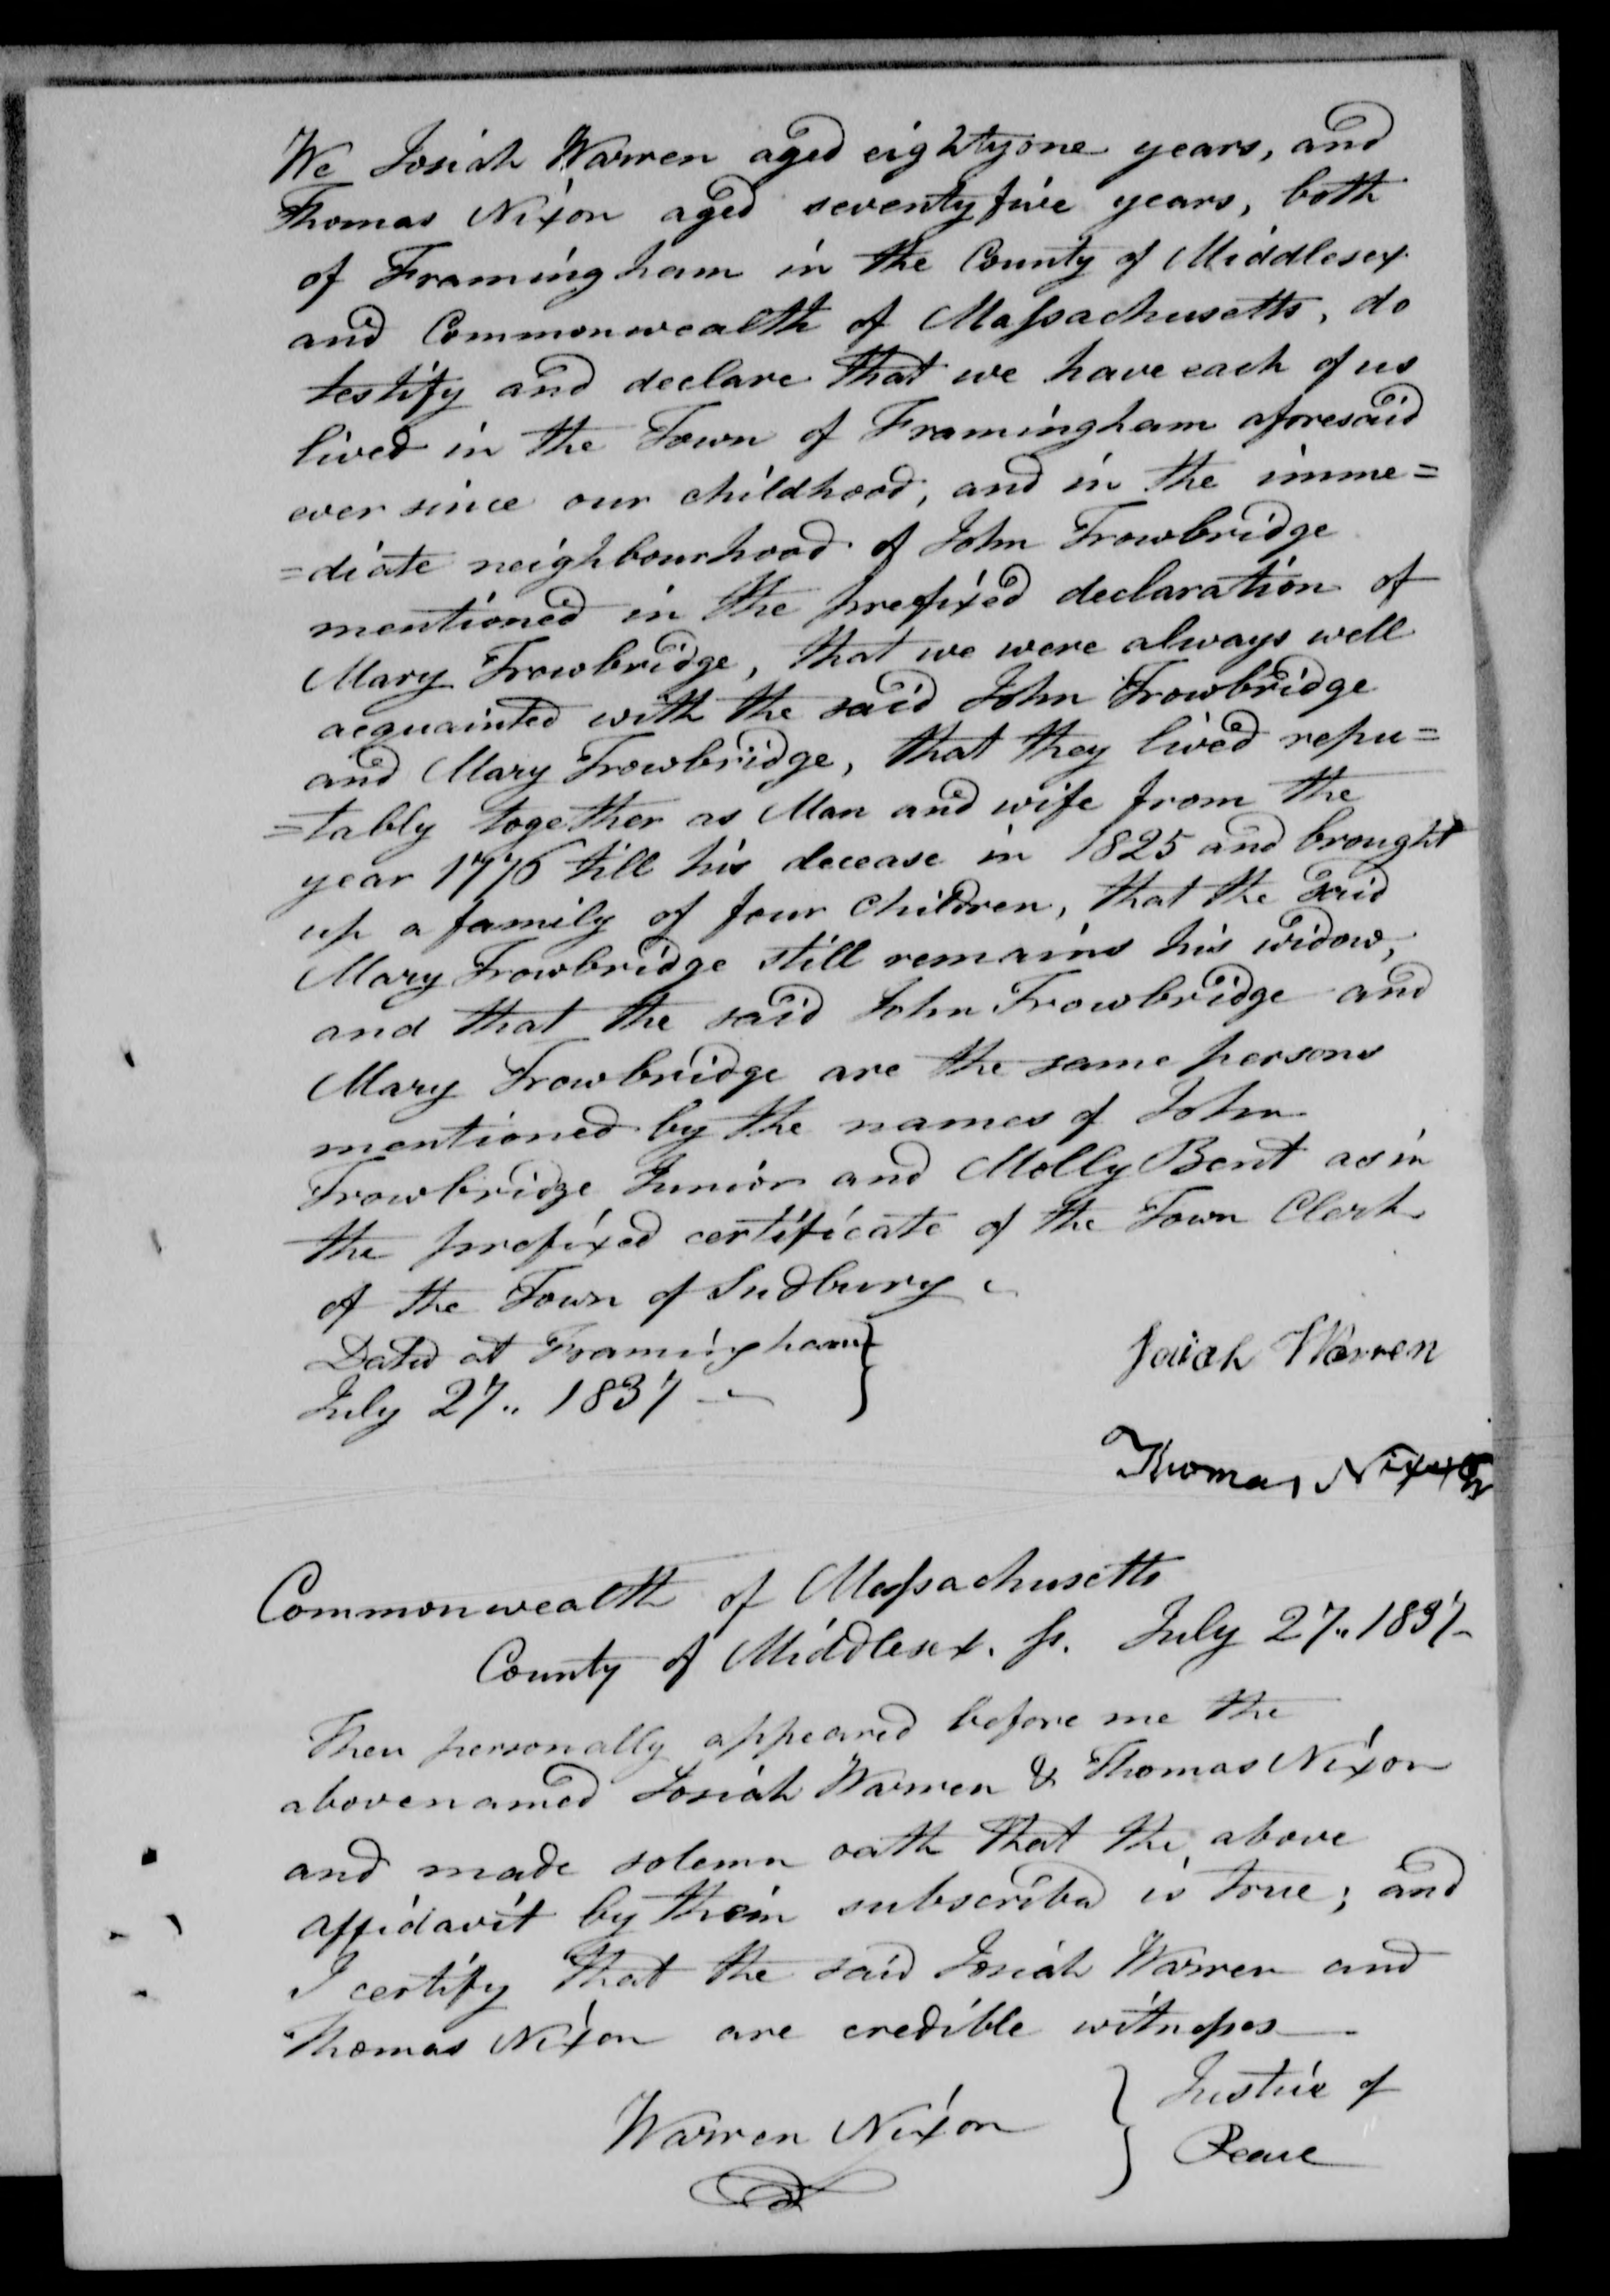We Josiah Warren aged eighty one years, and
Thomas Nixon aged seventy five years, both
of Framingham in the County of Middlesex
and Commonwealth of Massachusetts, do
testify and declare that we have each of us
lived in the Town of Framingham aforesaid
ever since our childhood, and in the immediate neighbourhood of John Trowbridge
mentioned in the prefixed declaration of
Mary Trowbridge, that we were always well
acquainted with the said John Trowbridge
and Mary Trowbridge, that they lived reputably together as man and wife from the
year 1776 till his decease in 1825 and brought
up a family of four children, that the said
Mary Trowbridge still remains his widow
and that the said John Trowbridge and
Mary Trowbridge are the same persons
mentioned by the names of John
Trowbridge Junior and Molly Bent as in
the prefixed certificate of the Town Clerk
of the Town of Sudbury
Dated at Framingham
July 27, 1837-
Josiah Warren
Thomas Nixon
Commonwealth of Massachusetts
County of Middlesex ss. July 27, 1837
Then personally appeared before me the
above named Josiah Warren & Thomas Nixon
and made solemn oath that the above
affidavit by them subscribed is true; and
I certify that the said Josiah Warren and
Thomas Nixon are credible witnesses
Warren Nixon
Justice of
Peace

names: John Trowbridge, John Trowbridge, Josiah Warren, Warren Nixon, Josiah Warren, Thomas Nixon, Thomas Nixon, Mary Trowbridge, Mary Trowbridge, Thomas Nixon, Thomas Nixon, John Trowbridge, Molly Bent, Mary Trowbridge, Josiah Warren, John Trowbridge, Josiah Warren, Mary Trowbridge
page: 13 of 34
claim: widow's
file: W. 15439, John Trowbridge, Mass.